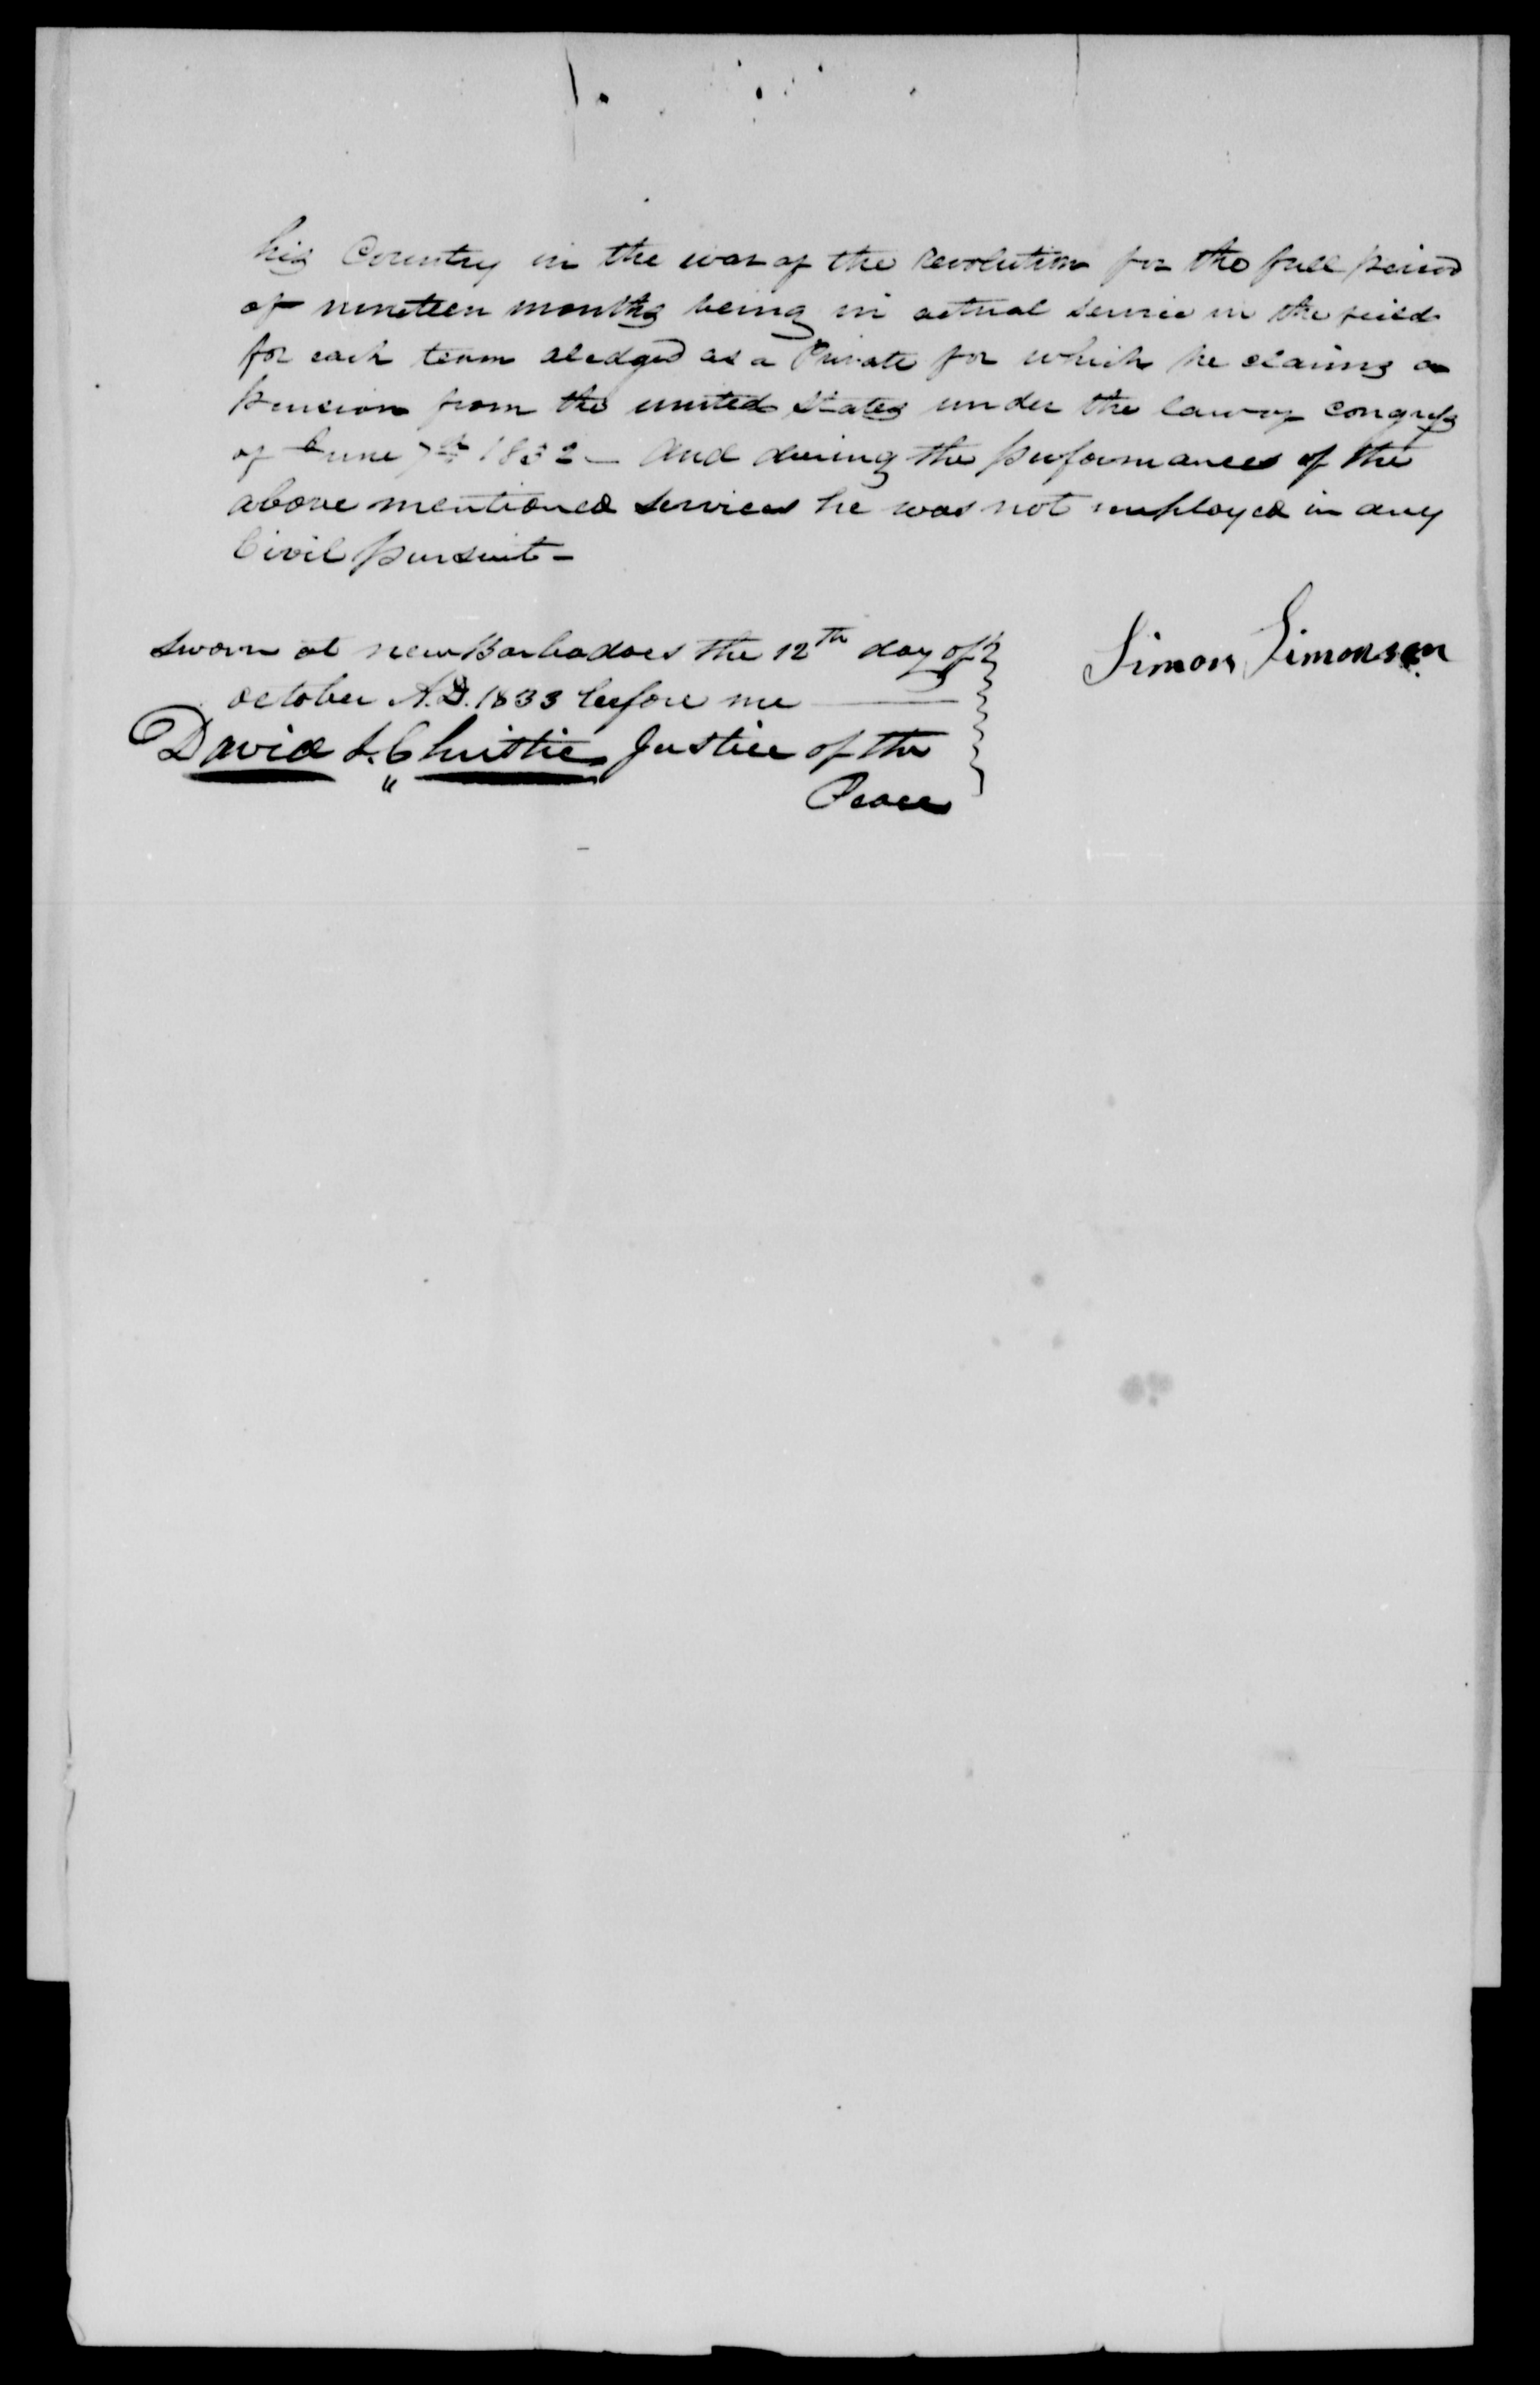his country in the war of the revolution for the full period of nineteen months being in actual service in the field for each term aledged [alleged] as a private for which he claims a
pension from the United States under the law of congress of June 7th 1832, and during the performance of the above mentioned services he was not employed in any Civil pursuit-
Simon Simonson

Sworn at new Barbadoes the 12th day of
October A.D. 1833 before me-
David L. Christie Justice of the
Peace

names: David J Christie; Simon Simonson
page: 25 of 30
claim: survivor's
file: S. 1104, for Simon Simonson, New Jersey